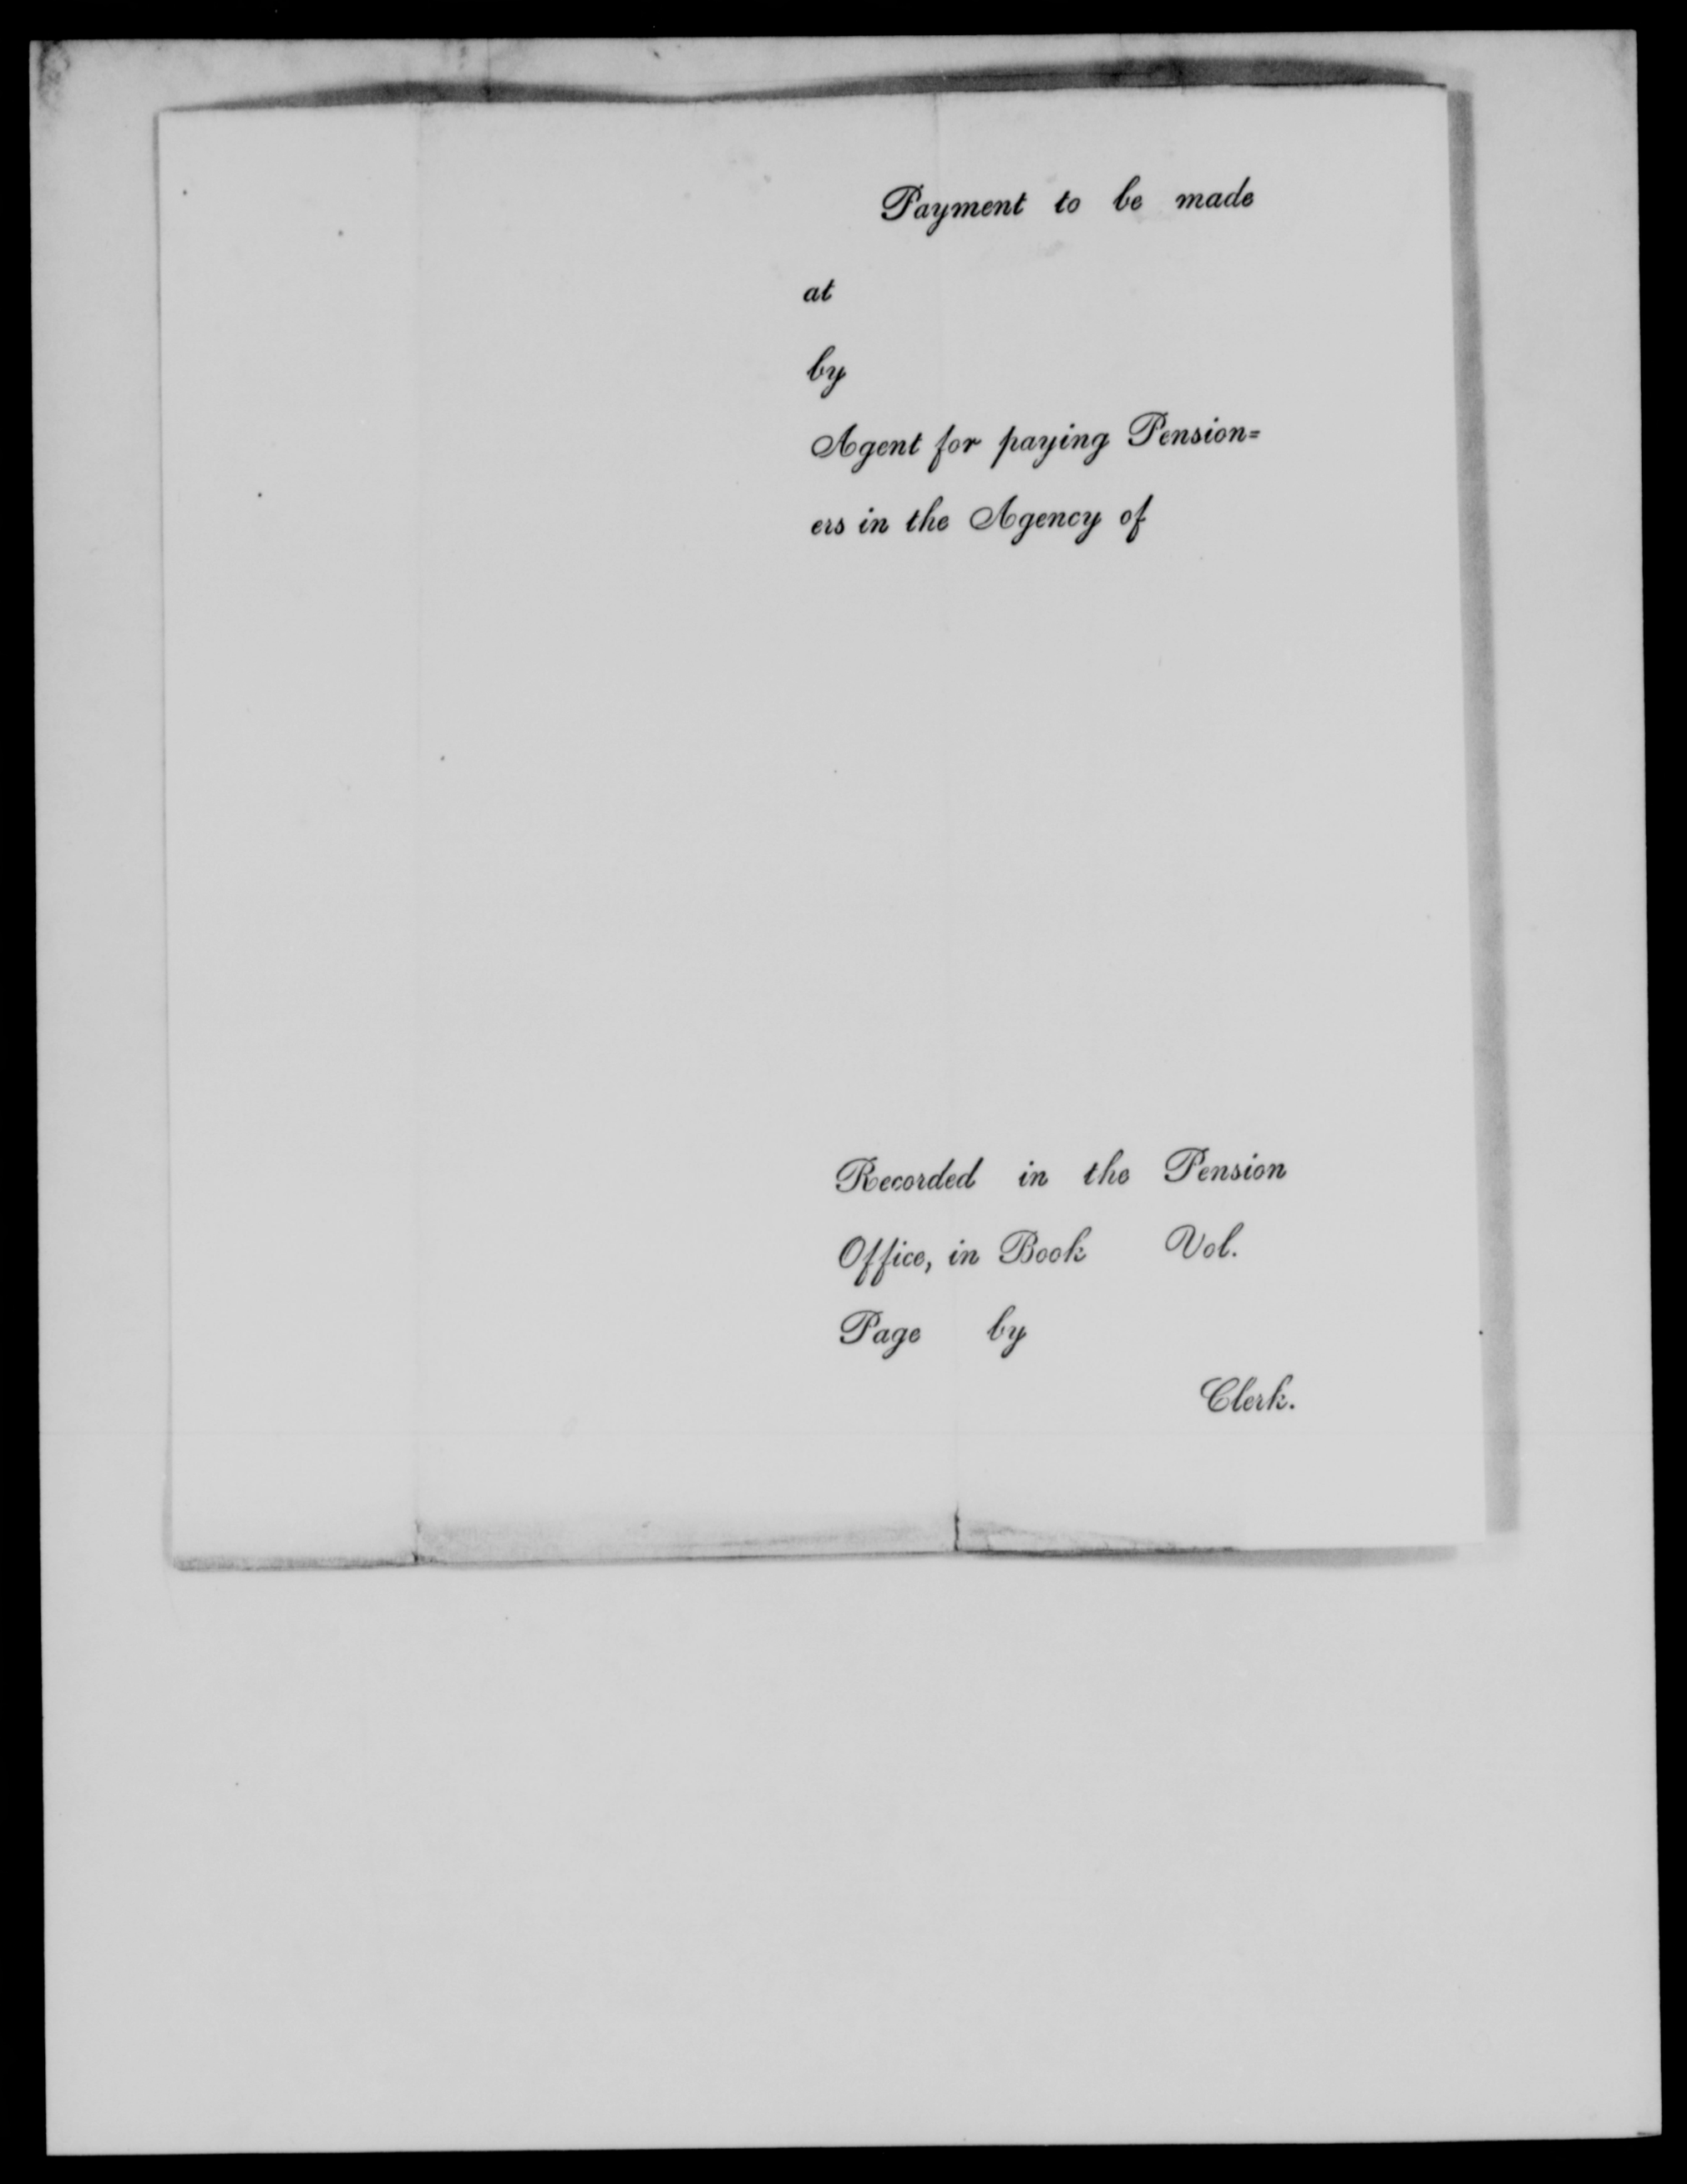Payment to be made 
at
by
Agent for paying Pensioners
in the Agency of


Recorded in the Pension
Office, in Book............Vol
Page......by


Clerk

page: 30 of 79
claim: survivor's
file: S. 11759, Samuel White, Mass.